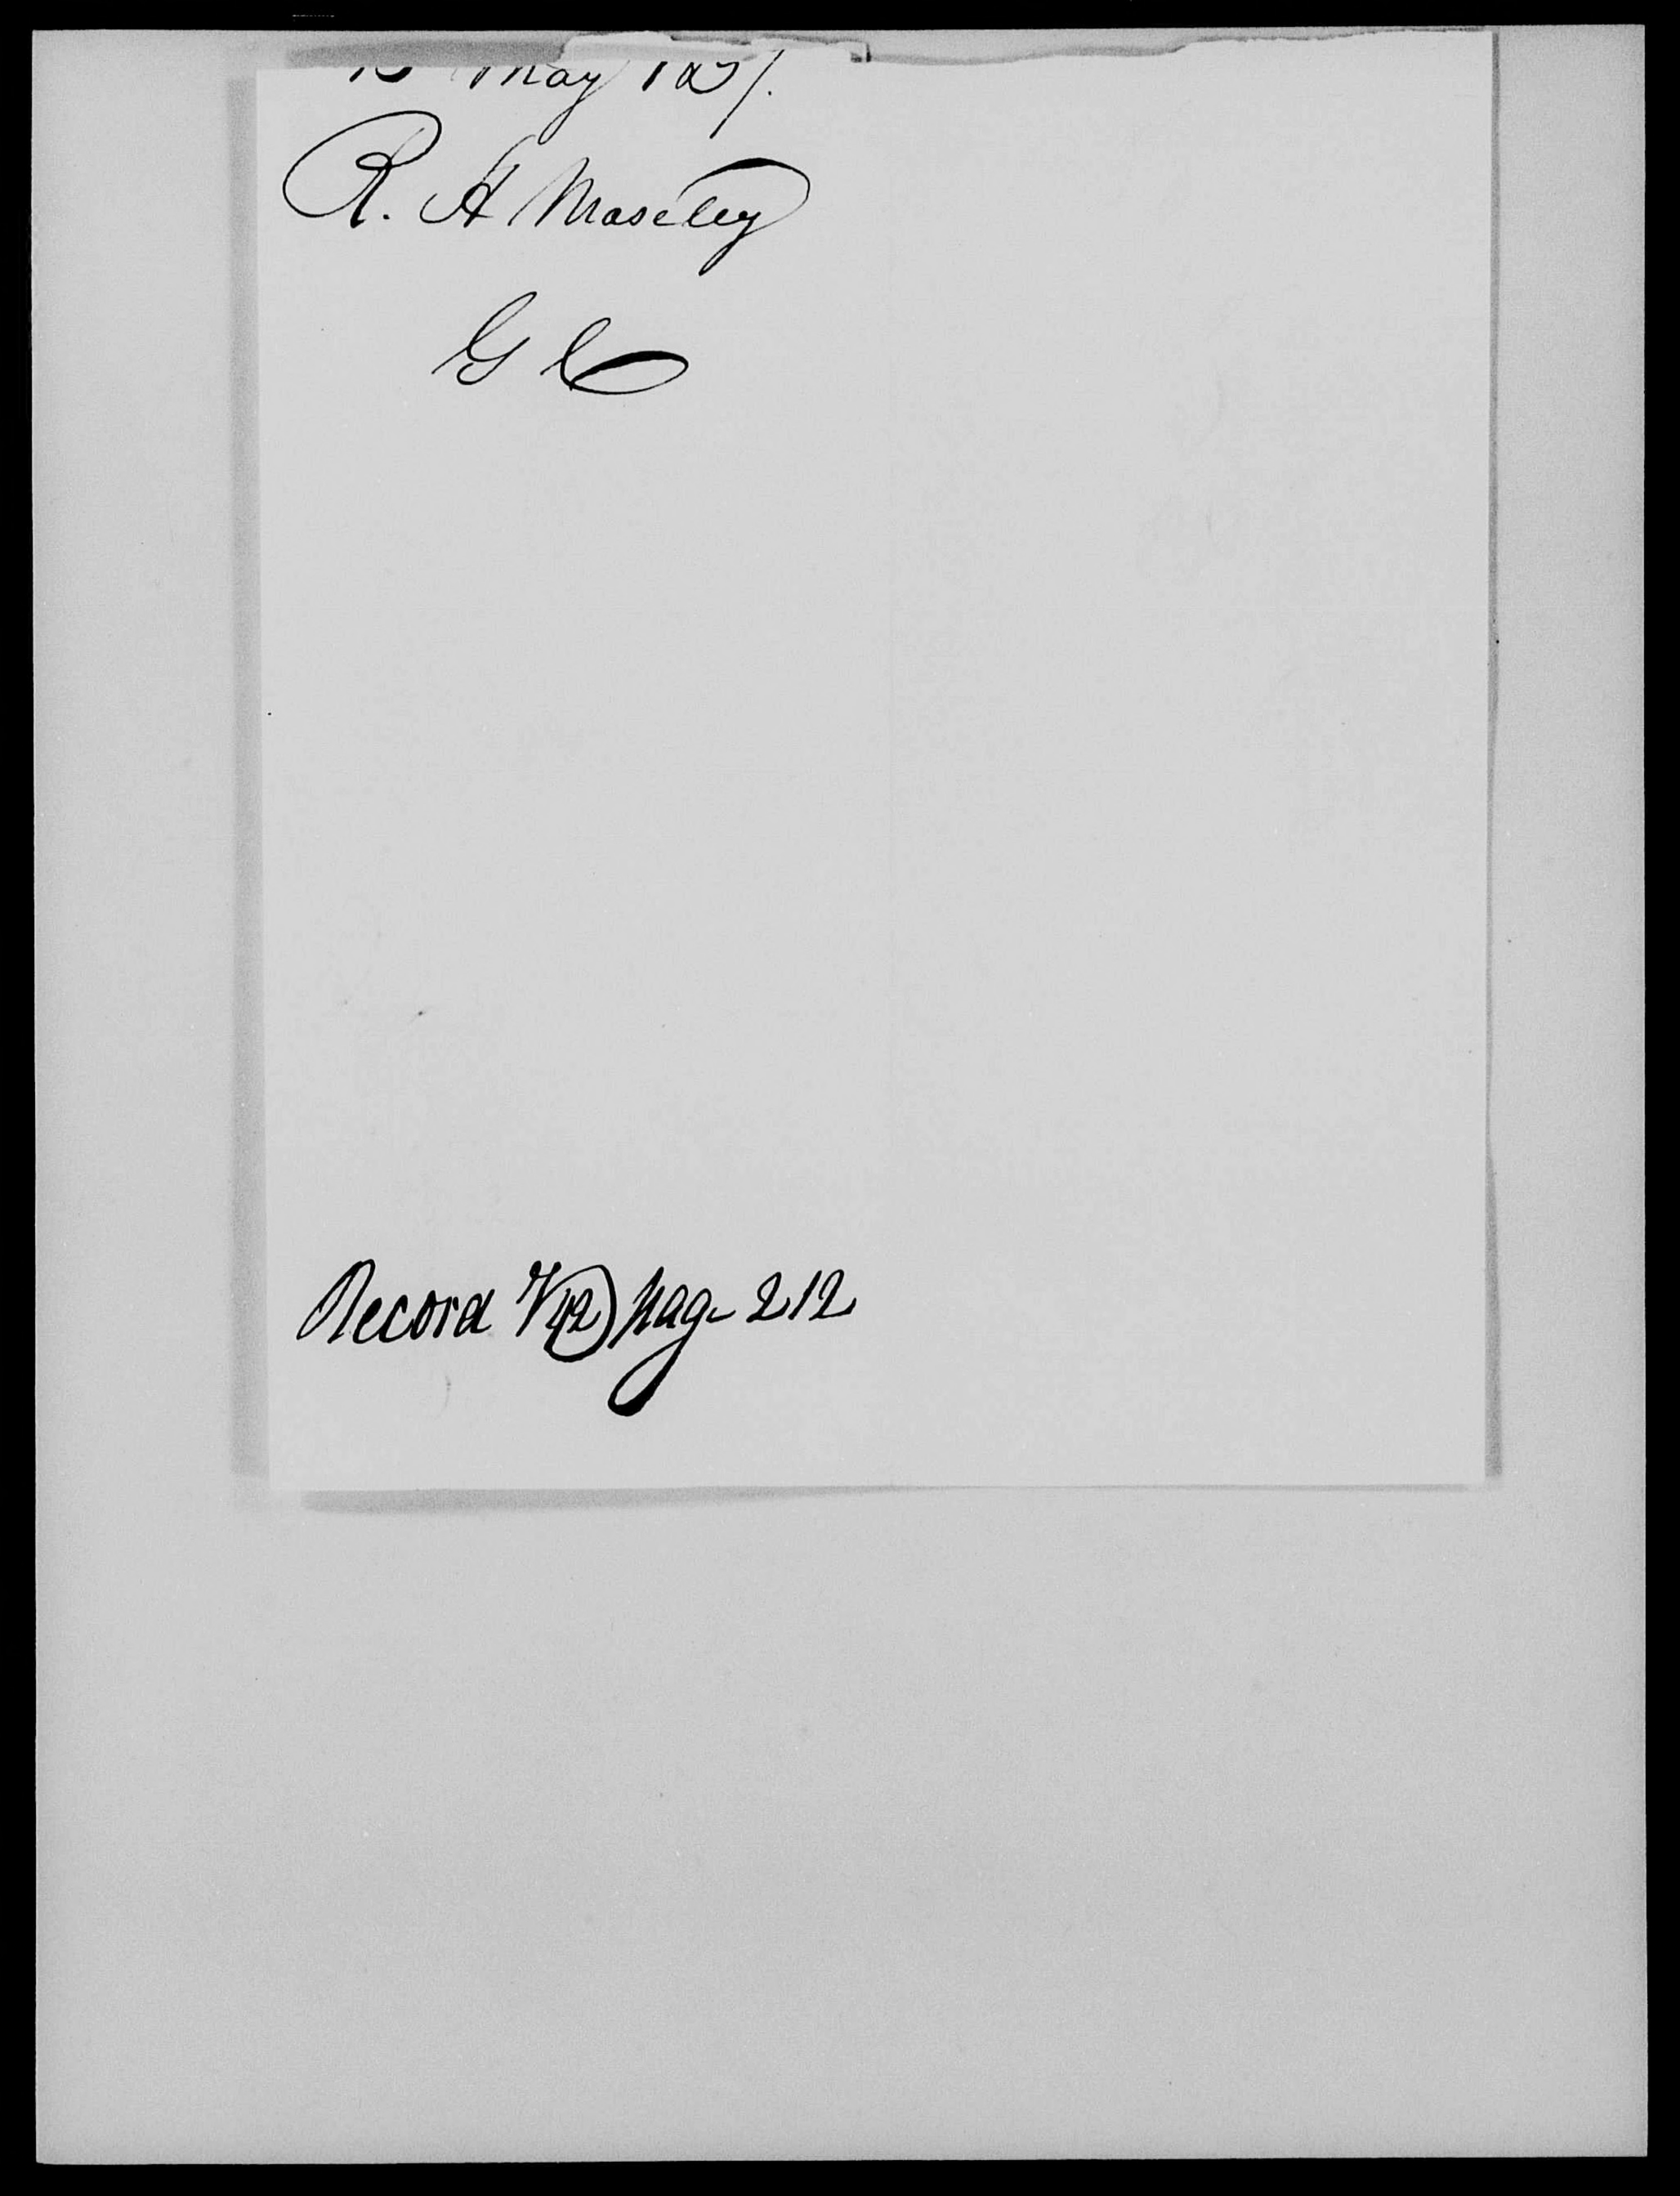[illegible] May [illegible]
R. H. Moseley
G C
Record [illegible] Page 212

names: R H Maseley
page: 14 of 21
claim: survivor's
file: S. 7240, for Arthur Moseley, Virginia